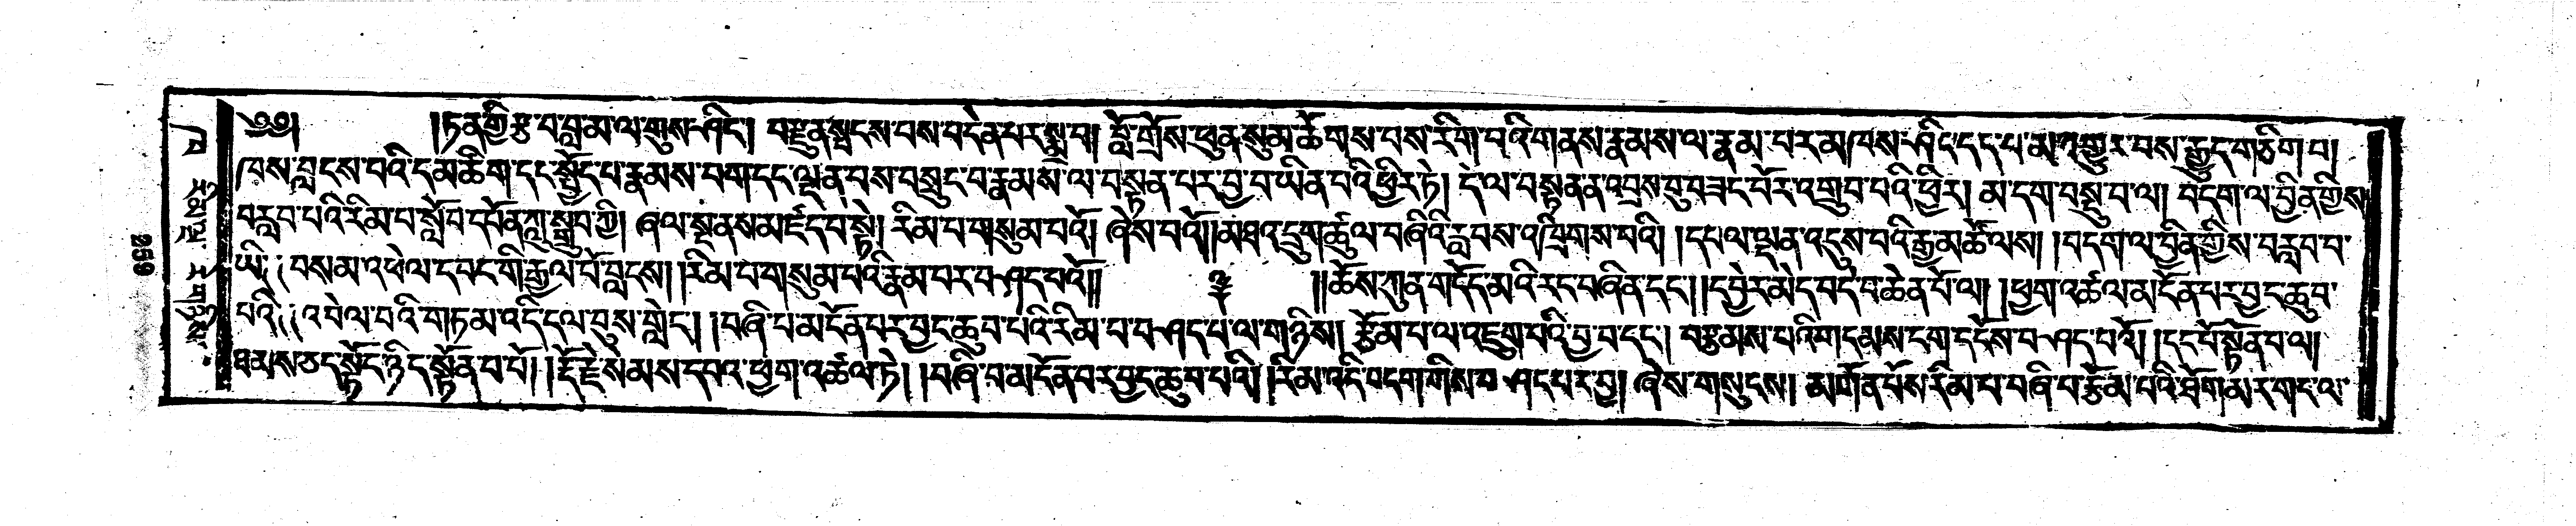༄༅། །ཏན་གྱི་རྩ་བ་བླ་མ་ལ་གུས་ཤིང་། བརྫུན་སྤངས་པས་བདེན་པར་སྨྲ་བ། བློ་གྲོས་ཕུན་སུམ་ཚོགས་པས་རིག་པའི་གནས་རྣམས་ལ་རྣམ་པར་མཁས་ཤིང་དད་པ་མི་འགྱུར་བས་རྒྱུད་གཅིག་པ།
ཁས་བླངས་པའི་དམ་ཚིག་དང་སྤྱོད་པ་རྣམས་བག་དང་ལྡན་པས་བསྲུང་བ་རྣམས་ལ་བསྟན་པར་བྱ་བ་ཡིན་པའི་ཕྱིར་ཏེ། དེ་ལ་བསྟན་ན་འབྲས་བུ་བཟང་པོར་འགྲུབ་པའི་ཕྱིར། མ་དག་བསྡུ་བ་ལ། བདག་ལ་བྱིན་གྱིས་
བརླབ་པའི་རིམ་པ་སློབ་དཔོན་ཀླུ་སྒྲུབ་ཀྱི། ཞལ་སྔ་ནས་མཛད་པ་སྟེ། རིམ་པ་གསུམ་པའོ། ཞེས་པའོ། །མཐའ་དྲུག་ཚུལ་བཞིའི་རླབས་འཁྲིགས་པའི། །དཔལ་ལྡན་འདུས་པའི་རྒྱ་མཚོ་ལས། །བདག་ལ་བྱིན་གྱིས་བརླབ་པ་
ཡི། །བསམ་འཕེལ་དབང་གི་རྒྱལ་པོ་བླངས། །རིམ་པ་གསུམ་པའི་རྣམ་པར་བཤད་པའོ།། ༈ །།ཆོས་ཀུན་གདོད་མའི་རང་བཞིན་དང་། །དབྱེར་མེད་བདེ་བ་ཆེན་པོ་ལ། །ཕྱག་འཚལ་མངོན་པར་བྱང་ཆུབ་
པའི། །འབེལ་བའི་གཏམ་འདི་དལ་བུས་གླེང་། །བཞི་པ་མངོན་པར་བྱང་ཆུབ་པའི་རིམ་པ་བཤད་པ་ལ་གཉིས། རྩོམ་པ་ལ་འཇུག་པའི་བྱ་བ་དང་། བརྩམས་པའི་གདམས་ངག་དངོས་བཤད་པའོ། །དང་པོ་སྟོན་པ་ལ།
ཐམས་ཅད་སྟོང་ཉིད་སྟོན་པ་པོ། །རྡོ་རྗེ་སེམས་དཔའ་ཕྱག་འཚལ་ཏེ། །བཞི་པ་མངོན་པར་བྱང་ཆུབ་པའི། །རིམ་འདི་བདག་གིས་བཤད་པར་བྱ། ཞེས་གསུངས། མགོན་པོས་རིམ་པ་བཞི་པ་རྩོམ་པའི་ཐོག་མར་གང་ལ་